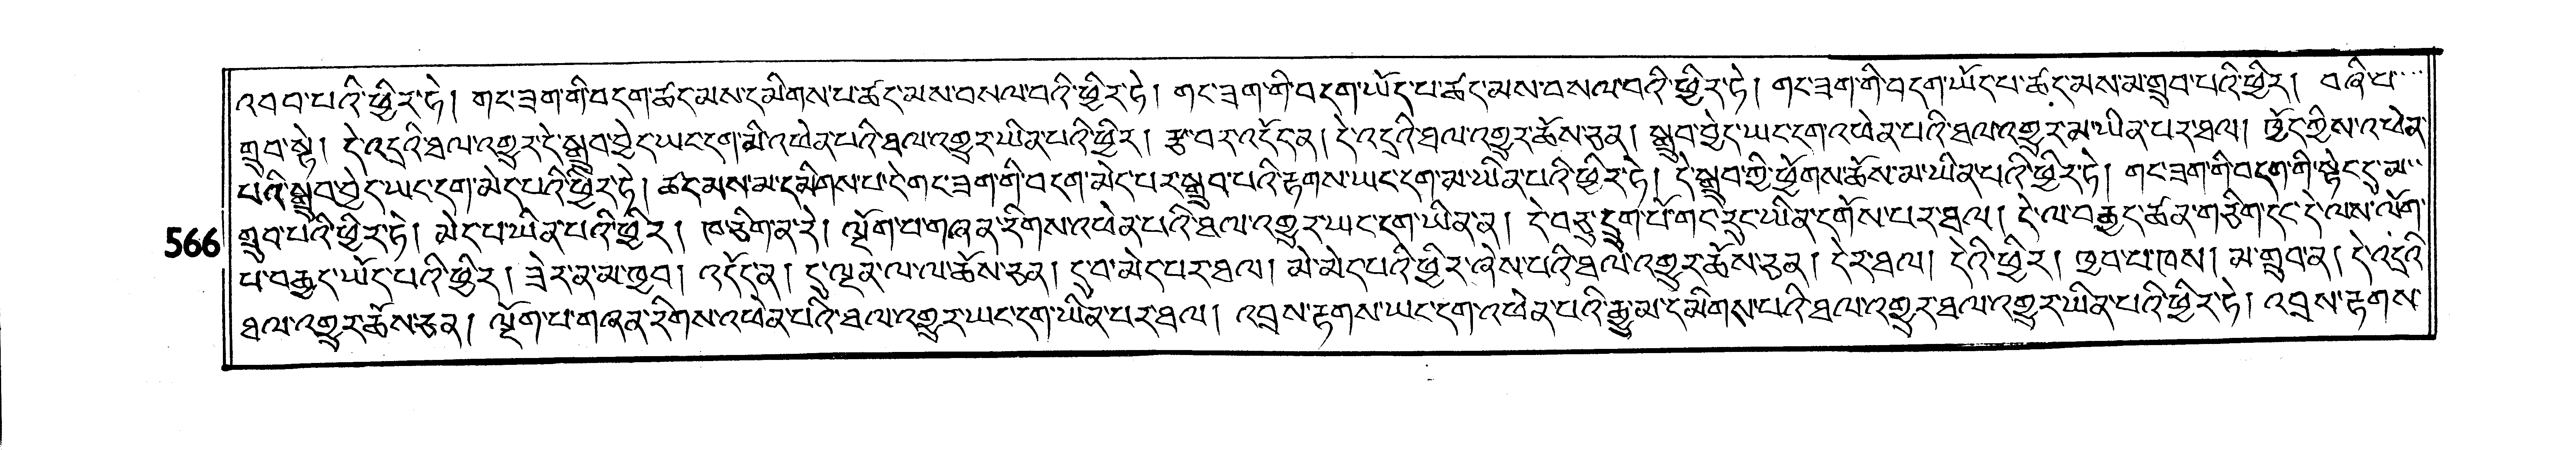འབབ་པའི་ཕྱིར་ཏེ། གང་ཟག་གི་བདག་ཚད་མས་དམིགས་པ་ཚད་མས་བསལ་བའི་ཕྱིར་ཏེ། གང་ཟག་གི་བདག་ཡོད་པ་ཚད་མས་བསལ་བའི་ཕྱིར་ཏེ། གང་ཟག་གི་བདག་ཡོད་པ་ཚད་མས་མ་གྲུབ་པའི་ཕྱིར། བཞི་པ་
གྲུབ་སྟེ། དེ་འདྲའི་ཐལ་འགྱུར་དེ་སྒྲུབ་བྱེད་ཡང་དག་མི་འཕེན་པའི་ཐལ་འགྱུར་ཡིན་པའི་ཕྱིར། རྩ་བར་འདོད་ན། དེ་འདྲའི་ཐལ་འགྱུར་ཆོས་ཅན། སྒྲུབ་བྱེད་ཡང་དག་འཕེན་པའི་ཐལ་འགྱུར་མ་ཡིན་པར་ཐལ། ཁྱོད་ཀྱིས་འཕེན་
པའི་སྒྲུབ་བྱེད་ཡང་དག་མེད་པའི་ཕྱིར་ཏེ། ཚད་མས་མ་དམིགས་པ་དེ་གང་ཟག་གི་བདག་མེད་པར་སྒྲུབ་པའི་རྟགས་ཡང་དག་མ་ཡིན་པའི་ཕྱིར་ཏེ། དེ་སྒྲུབ་ཀྱི་ཕྱོགས་ཆོས་མ་ཡིན་པའི་ཕྱིར་ཏེ། གང་ཟག་གི་བདག་གི་སྟེང་དུ་མ་
གྲུབ་པའི་ཕྱིར་ཏེ། མེད་པ་ཡིན་པའི་ཕྱིར། ཁ་ཅིག་ན་རེ། ལྡོག་པ་གཞན་རིགས་འཕེན་པའི་ཐལ་འགྱུར་ཡང་དག་ཡིན་ན། དེ་བཅུ་དྲུག་པོ་གང་རུང་ཡིན་དགོས་པར་ཐལ། དེ་ལ་བརྒྱད་ཚན་གཅིག་དང་དེ་ལས་ལོག་
པ་བརྒྱད་ཡོད་པའི་ཕྱིར། ཟེར་ན་མ་ཁྱབ། འདོད་ན། དུ་ལྡན་ལ་ལ་ཆོས་ཅན། དུ་བ་མེད་པར་ཐལ། མེ་མེད་པའི་ཕྱིར་ཞེས་པའི་ཐལ་འགྱུར་ཆོས་ཅན། དེར་ཐལ། དེའི་ཕྱིར། ཁྱབ་པ་ཁས། མ་གྲུབ་ན། དེ་འདྲའི་
ཐལ་འགྱུར་ཆོས་ཅན། ལྡོག་པ་གཞན་རིགས་འཕེན་པའི་ཐལ་འགྱུར་ཡང་དག་ཡིན་པར་ཐལ། འབྲས་རྟགས་ཡང་དག་འཕེན་པའི་རྒྱུ་མ་དམིགས་པའི་ཐལ་འགྱུར་ཐལ་འགྱུར་ཡིན་པའི་ཕྱིར་ཏེ། འབྲས་རྟགས་